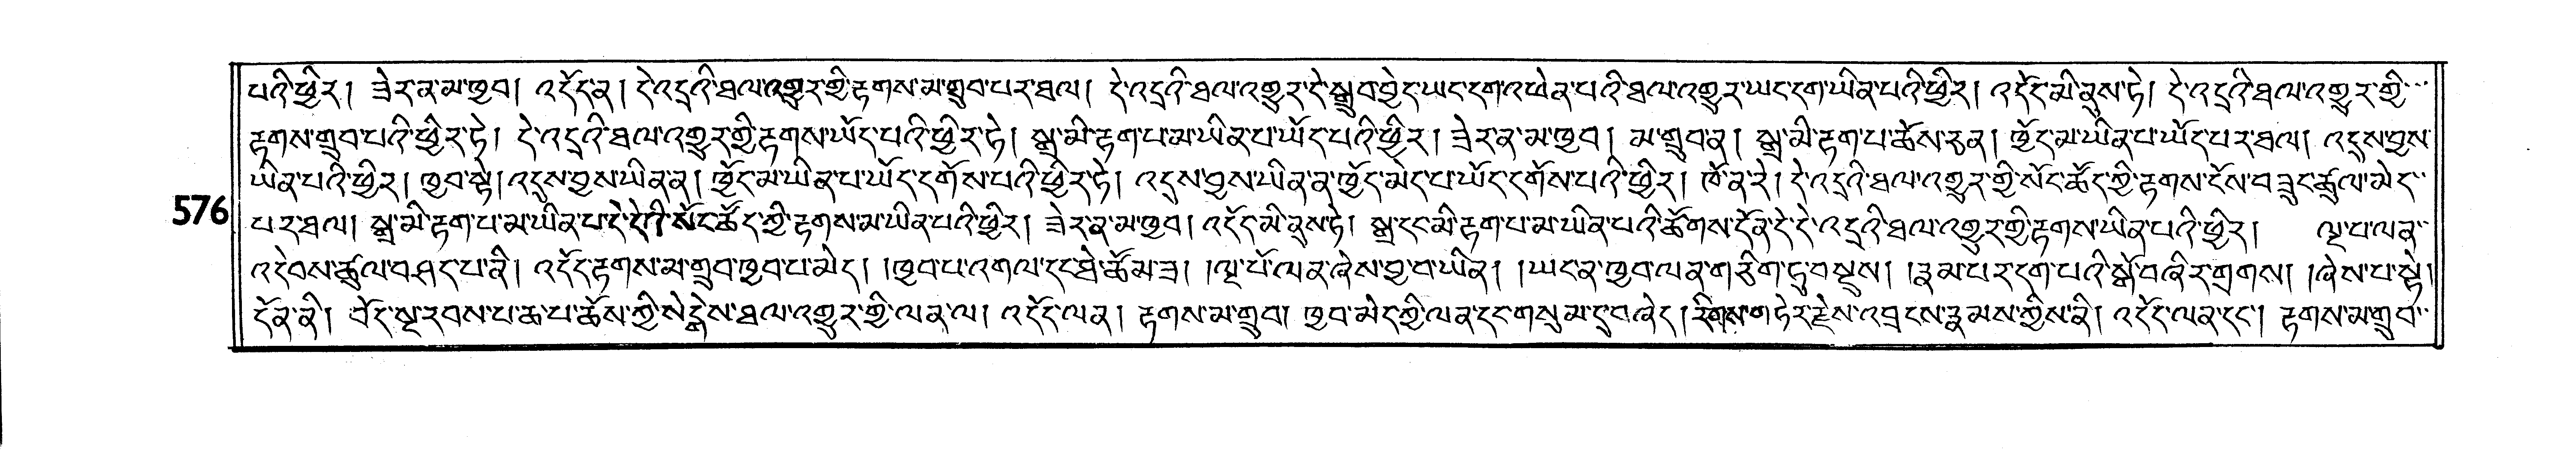པའི་ཕྱིར། ཟེར་ན་མ་ཁྱབ། འདོད་ན། དེ་འདྲའི་ཐལ་འགྱུར་གྱི་རྟགས་མ་གྲུབ་པར་ཐལ། དེ་འདྲའི་ཐལ་འགྱུར་དེ་སྒྲུབ་བྱེད་ཡང་དག་འཕེན་པའི་ཐལ་འགྱུར་ཡང་དག་ཡིན་པའི་ཕྱིར། འདོད་མི་ནུས་ཏེ། དེ་འདྲའི་ཐལ་འགྱུར་གྱི་
རྟགས་གྲུབ་པའི་ཕྱིར་ཏེ། དེ་འདྲའི་ཐལ་འགྱུར་གྱི་རྟགས་ཡོད་པའི་ཕྱིར་ཏེ། སྒྲ་མི་རྟག་པ་མ་ཡིན་པ་ཡོད་པའི་ཕྱིར། ཟེར་ན་མ་ཁྱབ། མ་གྲུབ་ན། སྒྲ་མི་རྟག་པ་ཆོས་ཅན། ཁྱོད་མ་ཡིན་པ་ཡོད་པར་ཐལ། འདུས་བྱས་
ཡིན་པའི་ཕྱིར། ཁྱབ་སྟེ། འདུས་བྱས་ཡིན་ན། ཁྱོད་མ་ཡིན་པ་ཡོད་དགོས་པའི་ཕྱིར་ཏེ། འདུས་བྱས་ཡིན་ན་ཁྱོད་མེད་པ་ཡོད་དགོས་པའི་ཕྱིར། ཁོ་ན་རེ། དེ་འདྲའི་ཐལ་འགྱུར་གྱི་སོང་ཚོད་ཀྱི་རྟགས་ངོས་བཟུང་ཚུལ་མེད་
པར་ཐལ། སྒྲ་མི་རྟག་པ་མ་ཡིན་པ་དེ་དེའི་སོང་ཚོད་ཀྱི་རྟགས་མ་ཡིན་པའི་ཕྱིར། ཟེར་ན་མ་ཁྱབ། འདོད་མི་ནུས་ཏེ། སྒྲ་དང་མི་རྟག་པ་མ་ཡིན་པའི་ཚོགས་དོན་དེ་དེ་འདྲའི་ཐལ་འགྱུར་གྱི་རྟགས་ཡིན་པའི་ཕྱིར། ལྔ་པ་ལན་
འདེབས་ཚུལ་བཤད་པ་ནི། འདོད་རྟགས་མ་གྲུབ་ཁྱབ་པ་མེད། །ཁྱབ་པ་འགལ་དང་ཐེ་ཚོམ་ཟ། །ལྔ་པོ་ལན་ཞེས་བྱ་བ་ཡིན། །ཡང་ན་ཁྱབ་ལན་གཅིག་ཏུ་བསྡུས། །རྣམ་པར་དག་པའི་སྒོ་བཞིར་གྲགས། །ཞེས་པ་སྟེ།
དོན་ནི། བོད་སྔ་རབས་པ་ཆ་པ་ཆོས་ཀྱི་སེངྒེས་ཐལ་འགྱུར་གྱི་ལན་ལ། འདོད་ལན། རྟགས་མ་གྲུབ། ཁྱབ་མེད་ཀྱི་ལན་དང་གསུམ་དུ་བཞེད། རིགས་གཏེར་རྗེས་འབྲངས་རྣམས་ཀྱིས་ནི། འདོད་ལན་དང་། རྟགས་མ་གྲུབ་